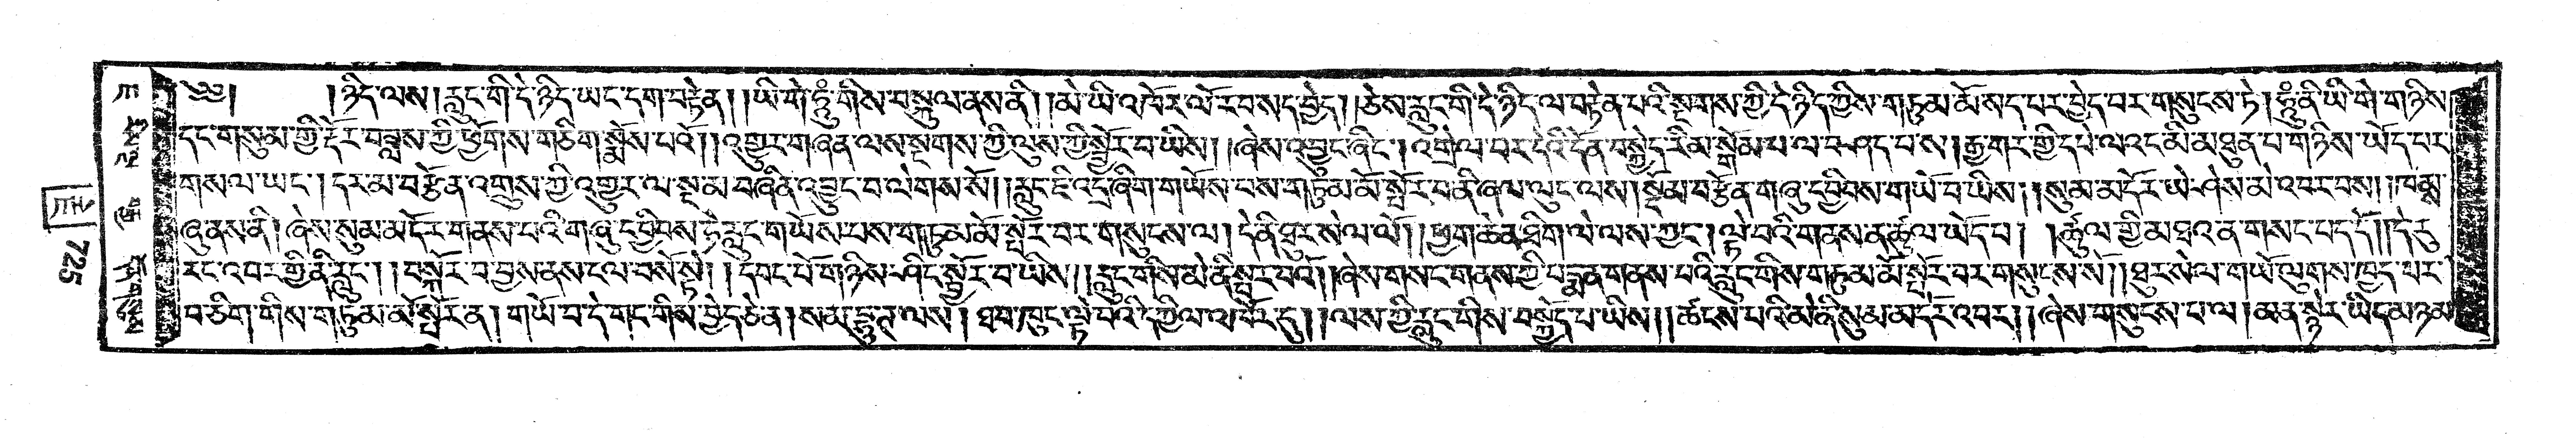༄༅། །ཉིད་ལས། རླུང་གི་དེ་ཉིད་ཡང་དག་བརྟེན། །ཡི་གེ་ཧཱུཾ་གིས་བསྐུལ་ནས་ནི། །མེ་ཡི་འཁོར་ལོ་རབ་སད་བྱེད། །ཅེས་རླུང་གི་དེ་ཉིད་ལ་བརྟེན་པའི་སྔགས་ཀྱི་དེ་ཉིད་ཀྱིས་གཏུམ་མོ་སད་པར་བྱེད་པར་གསུངས་ཏེ། ཧཱུཾ་ནི་ཡི་གེ་གཉིས་
དང་གསུམ་གྱི་རྡོར་བཟླས་ཀྱི་ཕྱོགས་གཅིག་སྨོས་པའོ། །འགྱུར་གཞན་ལས་སྔགས་ཀྱི་ལུས་ཀྱི་སྦྱོར་བ་ཡིས། །ཞེས་འབྱུང་ཞིང་། འགྲེལ་པར་དེའི་དོན་བསྐྱེད་རིམ་སྒོམ་པ་ལ་བཤད་པས། རྒྱ་གར་གྱི་དཔེ་ལའང་མི་མཐུན་པ་གཉིས་ཡོད་པར་
གསལ་ཡང་། དར་མ་བརྩོན་འགྲུས་ཀྱི་འགྱུར་ལ་སྔ་མ་བཞིན་འབྱུང་བ་ལེགས་སོ། །རླུང་ཇི་འདྲ་ཞིག་གཡོས་པས་གཏུམ་མོ་སྤོར་བ་ནི་ཞལ་ལུང་ལས། སྡོམ་བརྩོན་གཞུ་དབྱིབས་གཡོ་བ་ཡིས། །སུམ་མདོར་ཡེ་ཤེས་མེ་འབར་བས། །ཁམས་
ཞུ་ནས་ནི། ཞེས་སུམ་མདོར་གནས་པའི་གཞུ་དབྱིབས་ཏེ་རླུང་གཡོས་པས་གཏུམ་མོ་སྤོར་བར་གསུངས་ལ། དེ་ནི་ཐུར་སེལ་ལོ། །ཕྱག་ཆེན་ཐིག་ལེ་ལས་ཀྱང་། ལྟེ་བའི་གནས་ན་ཚུལ་ཡོད་པ། །ཚུལ་གྱི་མཐའ་ན་གསང་པད་དོ། །དེ་རུ་
རང་འབར་གྱི་ནི་རླུང་། །བསྐོར་བ་བྱས་ནས་ངལ་བསོ་སྟེ། །དབང་པོ་གཉིས་ཤིང་སྦྱོར་བ་ཡིས། །རླུང་གིས་མེ་ནི་སྦར་བའོ། །ཞེས་གསང་གནས་ཀྱི་པདམ་ན་གནས་པའི་རླུང་གིས་གཏུམ་མོ་སྤོར་བར་གསུངས་སོ། །ཐུར་སེལ་གཡོ་ལུགས་ཁྱད་པར་
བ་ཅིག་གིས་གཏུམ་མོ་སྤོར་ན། གཡོ་བ་དེ་གང་གིས་བྱེད་ཅེ་ན། སམ་བྷུ་ཊ་ལས། ཐབ་ཁུང་ལྟེ་བའི་དཀྱིལ་འཁོར་དུ། །ལས་ཀྱི་རླུང་གིས་བསྐྱོད་པ་ཡིས། །ཚངས་པའི་མེ་ནི་སུམ་མདོར་འབར། །ཞེས་གསུངས་པ་ལ། མན་སྙེར་ཡིད་མཉམ་